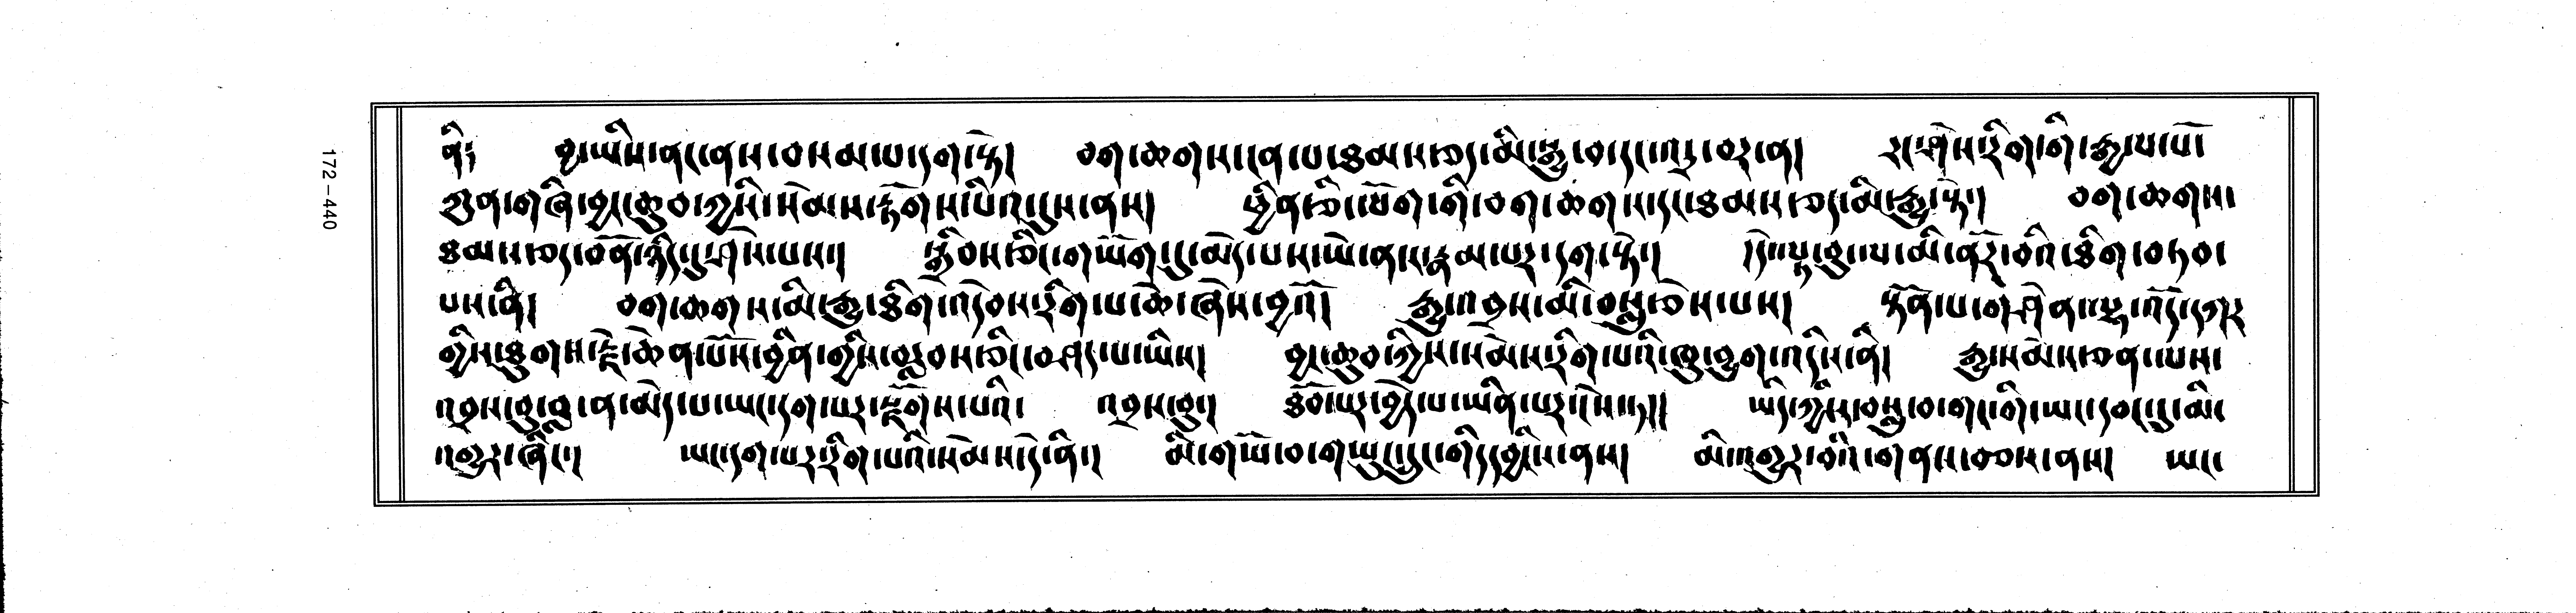བྱ་ཡིས་ནང་ནས་བསམ་པ་དག་སྟེ། བག་ཆགས་ངན་པ་ཐམས་ཅད་མི་སྒྱུ་བ་དང་འདྲ་བར་ན། རང་ཤེས་རིག་གི་རྒྱལ་པོ་
ཀུན་གཞི་བྱང་ཆུབ་ཀྱིས་སེམས་རྟོགས་པའི་དུས་ནས། ཕྱིན་ཅི་ལོག་གིས་བག་ཆགས་དང་ཐམས་ཅད་མི་རྒྱུ་སྟེ། བག་ཆགས་
ཐམས་ཅད་བོན་ཉིད་དུ་ཤེས་པས། སྒྲིབ་ཅིང་གཡོག་ཏུ་མེད་པས་ཡེ་ནས་རྣམ་པར་དག་སྟེ། དེ་ལྟ་བུ་ལ་མི་ནོར་བའི་ཐིག་བཏབ་
པས་ནི། བག་ཆགས་མི་རྒྱུ་ཐིག་འདེབས་རིག་པ་ཆེ་ཞེས་བྱའོ། རྒྱུ་འབྲས་མི་བསླུ་ཅེས་པས། སྟོན་པ་གཤེན་ལྷ་འོད་དཀར་
གྱིས་ཐུགས་རྗེ་ཆེན་པོས་བྱིན་གྱིས་བརླབས་ཅིང་བཤད་པ་ཡིས། བྱང་ཆུབ་ཀྱིས་སེམས་རིག་པའི་ཁུ་བྱུག་འདིས་ནི། རྒྱུ་སེམས་ཅན་ལས་
འབྲས་བུ་བླ་ན་མེད་པ་ཡང་དག་པར་རྫོགས་པའི་འབྲས་བུ། ཐོབ་པར་བྱེད་པ་ཡིན་པར་ངེས་ཏེ། ཡིད་ཀྱིས་བསླུ་བ་གང་གི་ཡང་དབང་དུ་མི་
འགྱུར་ཞིང་། ཡང་དག་པར་རིག་པའི་སེམས་དེ་ནི། མི་གཡོ་བ་གཡུང་དྲུང་གི་དབྱིངས་ནས། མི་འགྱུར་བའི་གནས་བཅས་ནས། ཡང་